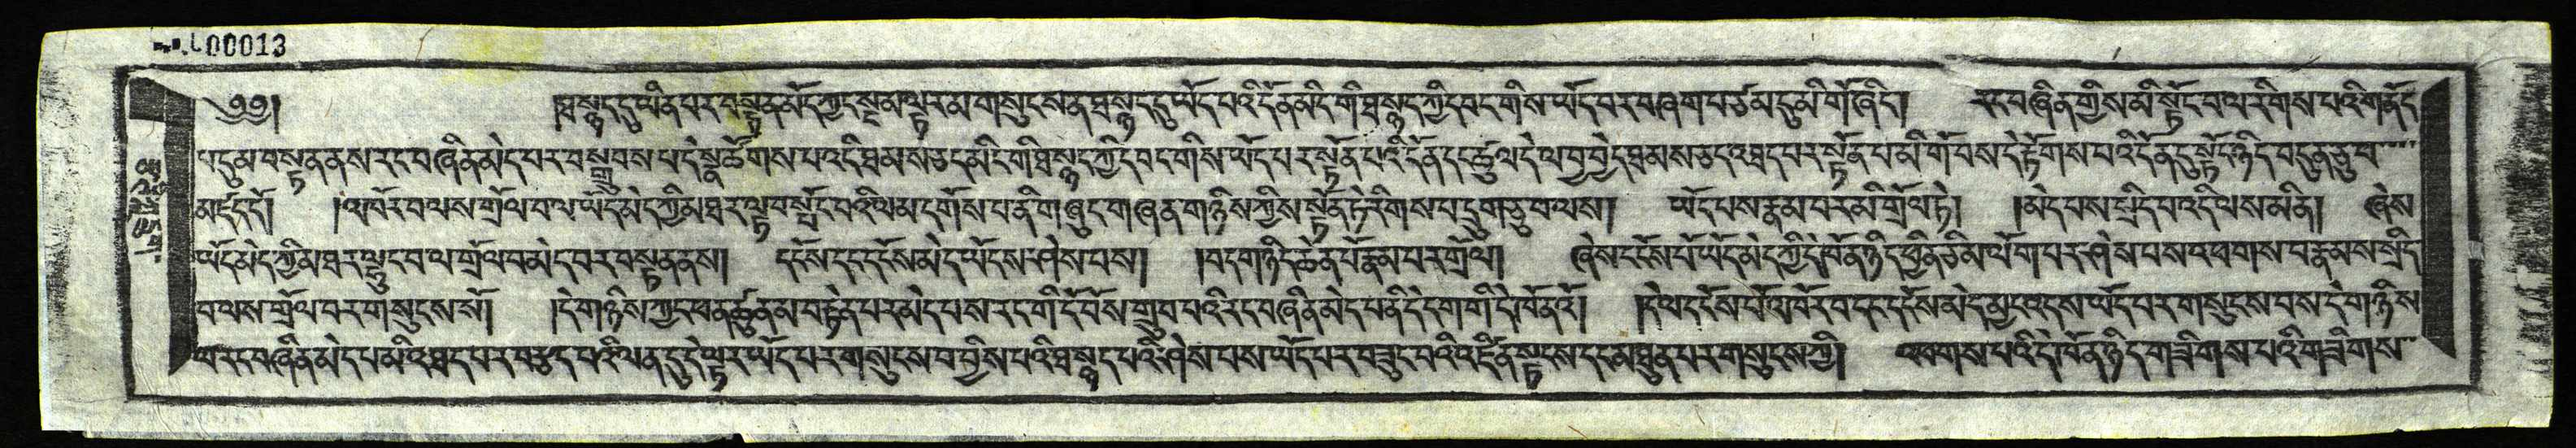༄༅། །ཐ་སྙད་དུ་ཡིན་པར་བསྟན་མོད་ཀྱང་སྔ་མ་ལྟར་མ་གསུངས་ན་ཐ་སྙད་དུ་ཡོད་པའི་དོན་མིང་གི་ཐ་སྙད་ཀྱི་དབང་གིས་ཡོད་པར་བཞག་པ་ཙམ་དུ་མི་གོ་ཞིང་། རང་བཞིན་གྱིས་མི་སྟོང་པ་ལ་རིགས་པའི་གནོད་
པ་དུམ་བསྟན་ནས་རང་བཞིན་མེད་པར་བསྒྲུབས་པ་དེ་སྣ་ཚོགས་པ་འདི་ཐམས་ཅད་མིང་གི་ཐ་སྙད་ཀྱི་དབང་གིས་ཡོད་པར་སྟོན་པའི་དོན་དང་ཚུལ་དེ་ལ་བྱ་བྱེད་ཐམས་ཅད་འཐད་པར་སྟོན་པ་མི་གོ་བས་དེ་རྟོགས་པའི་དོན་དུ་སྟོང་ཉིད་བདུན་ཅུ་པ་
མཛད་དོ། །འཁོར་བ་ལས་གྲོལ་བ་ལ་ཡོད་མེད་ཀྱི་མཐར་ལྟ་བ་སྤོང་བའི་ལམ་དགོས་པ་ནི་གཞུང་གཞན་གཉིས་ཀྱིས་སྟོན་ཏེ་རིགས་པ་དྲུག་ཅུ་བ་ལས། ཡོད་པས་རྣམ་པར་མི་གྲོལ་ཏེ། །མེད་པས་སྲིད་པ་འདི་ལས་མིན། ཞེས་
ཡོད་མེད་ཀྱི་མཐར་ལྷུང་བ་ལ་གྲོལ་བ་མེད་པར་བསྟན་ནས། དངོས་དང་དངོས་མེད་ཡོངས་ཤེས་པས། །བདག་ཉིད་ཆེན་པོ་རྣམ་པར་གྲོལ། ཞེས་དངོས་པོ་ཡོད་མེད་ཀྱི་དེ་ཁོ་ན་ཉིད་ཕྱིན་ཅི་མ་ལོག་པར་ཤེས་པས་འཕགས་པ་རྣམས་སྲིད་
བ་ལས་གྲོལ་བར་གསུངས་སོ། །དེ་གཉིས་ཀྱང་ཕན་ཚུན་མ་བརྟེན་པར་མེད་པས་རང་གི་ངོ་བོས་གྲུབ་པའི་རང་བཞིན་མེད་པ་ནི་དེ་དག་གི་དེ་ཁོ་ནའོ། །དེ་ལ་དངོས་པོ་འཁོར་བ་དང་དངོས་མེད་མྱང་འདས་ཡོད་པར་གསུངས་པས་དེ་གཉིས་
ལ་རང་བཞིན་མེད་པ་མི་འཐད་པར་བརྩད་པའི་ལན་དུ་དེ་ལྟར་ཡོད་པར་གསུངས་པ་བྱིས་པའི་ཐ་སྙད་པའི་ཤེས་པས་ཡོད་པར་བཟུང་བའི་འཛིན་སྟངས་དང་མཐུན་པར་གསུངས་ཀྱི། འཕགས་པའི་དེ་ཁོ་ན་ཉིད་གཟིགས་པའི་གཟིགས་